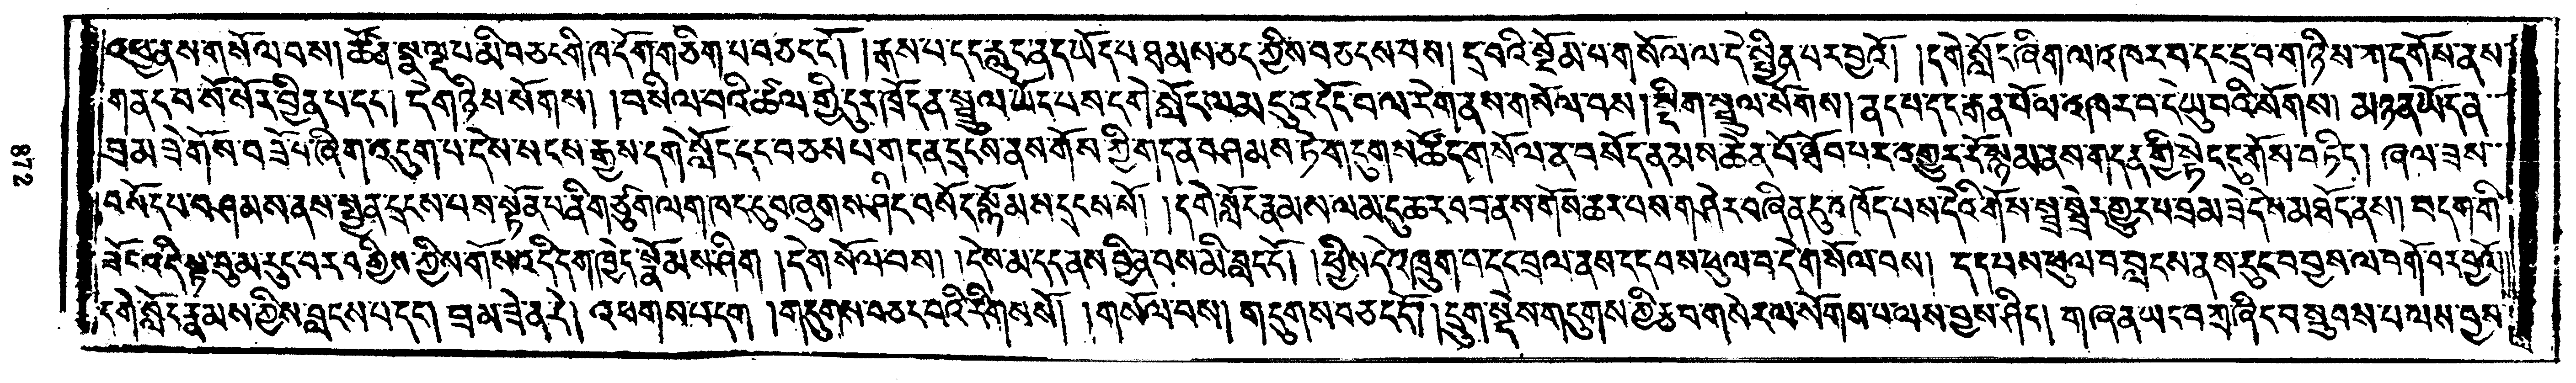འཕྱ་ནས་གསོལ་བས། ཚོན་སྣ་ལྔ་པ་མི་བཅང་གི་ཁ་དོག་གཅིག་པ་བཅང་ངོ། །རྒས་པ་དང་རླུང་ནད་ཡོད་པ་ཐམས་ཅད་ཀྱིས་བཅངས་པས། དྲ་བའི་སྡོམ་པ་གསོལ་ལ་དེ་སྤྱིན་པར་བྱའོ། །དགེ་སློང་ཞིག་ལ་འཁར་བ་དང་དྲ་བ་གཉིས་ཀ་དགོས་ནས་
གནང་བ་སོ་སོར་བྱིན་པ་དང་། དེ་གཉིས་སོགས། །བསིལ་བའི་ཚལ་གྱི་དུར་ཁྲོད་ན་སྦྲུལ་ཡོད་པས་དགེ་སློང་ལམ་དུ་འདོང་བ་ལ་རེག་ནས་གསོལ་བས་།སྡིག་སྦྲུལ་སོགས། ནད་པ་དང་རྒན་པོ་ལ་འཁར་བ་དེ་ཡུ་བའི་སོགས། མཉན་ཡོད་ན་
བྲམ་ཟེ་གོས་བཟོ་པ་ཞིག་འདུག་པ་དེས་སངས་རྒྱས་དགེ་སློང་དང་བཅས་པ་གདན་དྲངས་ནས་གོས་ཀྱི་གདན་བཤམས་ཏེ་གདུགས་ཚོད་གསོལ་ན་བསོད་ནམས་ཆེན་པོ་ཐོབ་པར་འགྱུར་རོ་སྙམ་ནས་གདན་གྱི་སྟེང་དུ་གོས་བཏིང་། ཞལ་ཟས་
བསོད་པ་བཤམས་ནས་སྤྱན་དྲངས་པས་སྟོན་པ་ནི་གཙུག་ལག་ཁང་དུ་བཞུགས་ཤིང་བསོད་སྙོམས་དྲངས་སོ། །དགེ་སློང་རྣམས་ལམ་དུ་ཆར་བབ་ནས་གོས་ཆར་བས་གཤེར་བཞིན་དུ་འཁོད་པས་དེའི་གོས་སྦྲ་སྦྲེར་གྱུར་པ་བྲམ་ཟེ་དེས་མཐོང་ནས། བདག་གི་
ཟོང་འདི་སྟ་བུ་མ་རུང་བར་བགྱིས་ཀྱིས་གོས་འདི་དག་ཁྱེད་སྣོམས་ཤིག །དེ་གསོལ་བས། །དེས་མ་དད་ནས་བྱིན་བས་མི་བླང་ངོ། །ཕྱིས་དེ་འཁྲུག་བ་དང་བྲལ་ནས་དང་བས་ཕུལ་བ་དེ་གསོལ་བས། དད་པས་ཕུལ་བ་བླངས་ནས་རུང་བ་བྱས་ལ་བགོ་བར་བྱའོ།།
དགེ་སློང་རྣམས་ཀྱིས་བླངས་པ་དང་། བྲམ་ཟེ་ན་རེ། འཕགས་པ་དག། །གདུགས་བཅར་བའི་རིགས་སོ། །གསོལ་བས། གདུགས་བཅད་དོ། །དྲུག་སྡེས་གདུགས་ཀྱི་རྩ་བ་གསེར་ལ་སོགས་པ་ལས་བྱས་ཤིང་། གཞན་ཡང་བཀྲ་ཤིང་བསྲུབས་པ་ལས་བྱས་